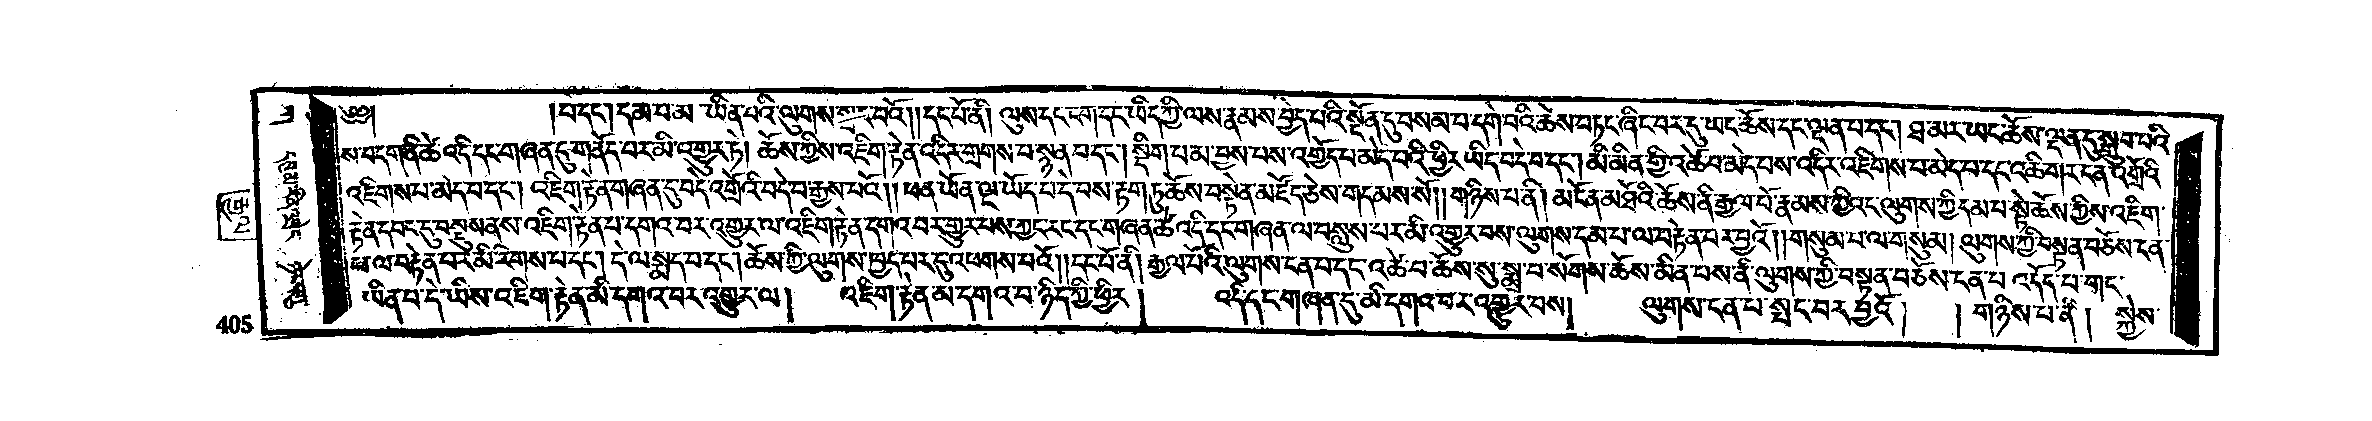༄༅། །པ་དང་། དམ་པ་མ་ཡིན་པའི་ལུགས་སྤང་བའོ། །དང་པོ་ནི། ལུས་དང་ངག་དང་ཡིད་ཀྱི་ལས་རྣམས་བྱེད་པའི་སྔོན་དུ་བསམ་པ་དགེ་བའི་ཆོས་བཏང་ཞིང་བར་དུ་ཡང་ཆོས་དང་ལྡན་པ་དང་། ཐ་མར་ཡང་ཆོས་ལྡན་དུ་སྒྲུབ་པའི་
ས་བདག་ནི་ཚེ་འདི་དང་གཞན་དུ་གནོད་པར་མི་འགྱུར་ཏེ། ཆོས་ཀྱིས་འཇིག་རྟེན་འདིར་གྲགས་པ་སྙན་པ་དང་། སྡིག་པ་མ་བྱས་པས་འགྱོད་པ་མེད་པའི་ཕྱིར་ཡིད་བདེ་བ་དང་། མི་མིན་གྱི་འཚེ་བ་མེད་པས་འདིར་འཇིགས་པ་མེད་པ་དང་འཆི་གར་ངན་འགྲོའི་
འཇིགས་པ་མེད་པ་དང་། འཇིག་རྟེན་གཞན་དུ་བདེ་འགྲོའི་བདེ་བ་རྒྱས་པའོ། །ཕན་ཡོན་ལྔ་ཡོད་པ་དེ་བས་རྟག་ཏུ་ཆོས་བསྟེན་མཛོད་ཅེས་གདམས་སོ། །གཉིས་པ་ནི། མངོན་མཐོའི་ཆོས་ནི་རྒྱལ་པོ་རྣམས་ཀྱིའང་ལུགས་ཀྱི་དམ་པ་སྟེ་ཆོས་ཀྱིས་འཇིག་
རྟེན་དབང་དུ་བསྡུས་ནས་འཇིག་རྟེན་པ་དགའ་བར་འགྱུར་ལ་འཇིག་རྟེན་དགའ་བར་གྱུར་པས་ཀྱང་རང་དང་གཞན་ཚེ་འདི་དང་གཞན་ལ་བསླུས་པར་མི་འགྱུར་བས་ལུགས་དམ་པ་ལ་བརྟེན་པར་བྱའོ། །གསུམ་པ་ལ་གསུམ། ལུགས་ཀྱི་བསྟན་བཅོས་ངན་
པ་ལ་བརྟེན་པར་མི་རིགས་པ་དང་། དེ་ལ་སྨད་པ་དང་། ཆོས་ཀྱི་ལུགས་ཁྱད་པར་དུ་འཕགས་པའོ། །དང་པོ་ནི། རྒྱལ་པོའི་ལུགས་ངན་པ་དང་འཚེ་བ་ཆོས་སུ་སྨྲ་བ་སོགས་ཆོས་མིན་པས་ནི་ལུགས་ཀྱི་བསྟན་བཅོས་ངན་པ་འདོད་པ་གང་
ཡིན་པ་དེ་ཡིས་འཇིག་རྟེན་མི་དགའ་བར་འགྱུར་ལ། འཇིག་རྟེན་མ་དགའ་བ་ཉིད་ཀྱི་ཕྱིར། འདི་དང་གཞན་དུ་མི་དགའ་བར་འགྱུར་བས། ལུགས་ངན་པ་སྤང་བར་བྱའོ། །གཉིས་པ་ནི། སྐྱེས་